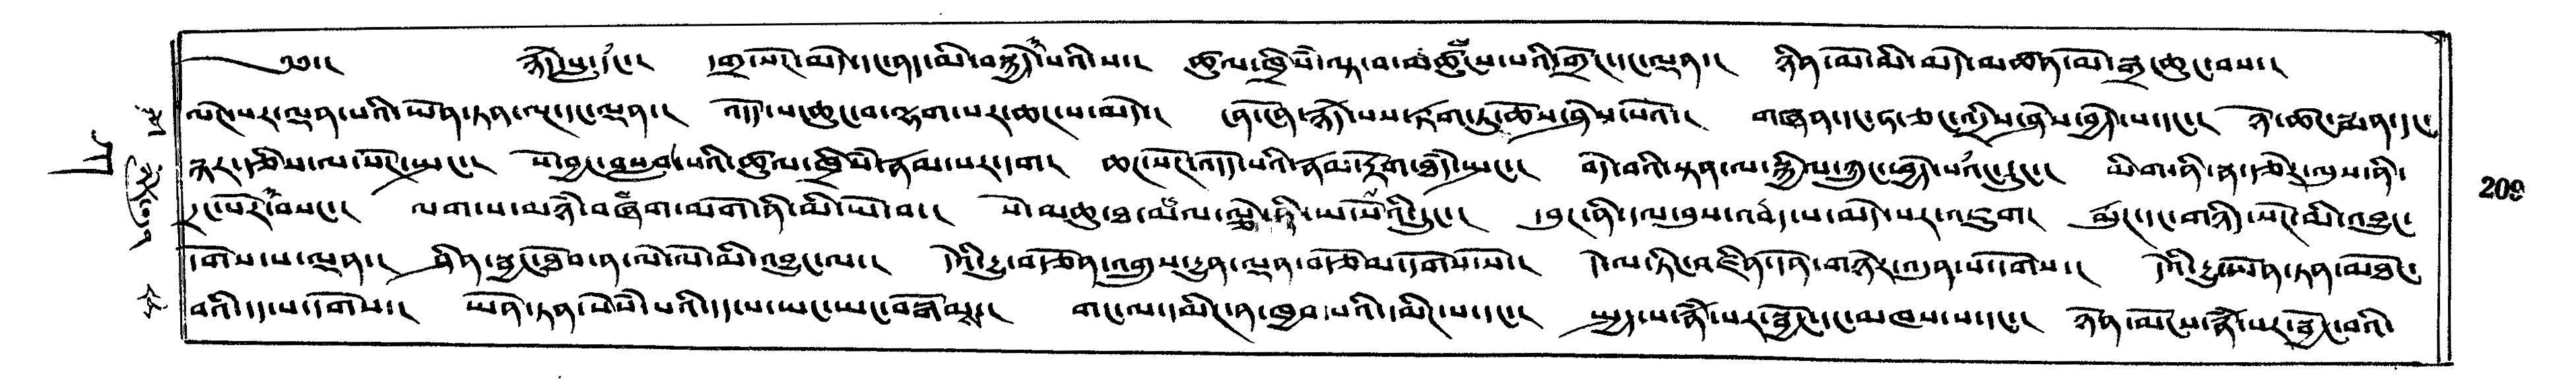རྙེད་སླ་དང་། །དགྲ་སོགས་མེད་དང་ནད་མི་སྐྱེད་པའི་ས། །ཚུལ་ཁྲིམས་ལྟ་བ་མཚུངས་པའི་གྲོགས་དང་ལྡན། །ཉིན་མོ་མི་མེད་མཚན་མོ་སྒྲ་ཆུང་བས། །
ལེགས་པར་ལྡན་པའི་ཡོན་ཏན་ལྔ་དང་ལྡན། །འདོད་པ་ཆུང་བ་ལྷག་པར་ཆགས་པ་མེད། །ངན་ངོན་རྙེད་པས་རྟག་ཏུ་ཆོག་ཤེས་པའོ། །གཞན་དང་ཧ་ཅང་འདྲིས་ཤེས་བྱེད་པ་དང་། །ཉོ་ཚོང་སྨན་དང་
སྐར་རྩིས་ལ་སོགས་སྤང་། །སོ་བྱང་བསླབ་པའི་ཚུལ་ཁྲིམས་རྣམ་པར་དག །ཆགས་སོགས་འདོད་པའི་རྣམ་རྟོག་ཐམས་ཅད་སྤང་། །བདེ་བའི་སྟན་ལ་་སྐྱིལ་ཀྲུང་ཕྱེད་པའང་རུང། །མིག་ནི་སྣ་རྩེར་ལུས་ནི་
དྲང་པོར་བསྲང་། །ལག་པ་མཉམ་བཞག་མགོ་ནི་མི་ཡོ་བ། །སོ་མཆུ་ཐ་མལ་ལྕེ་ནི་ཡ་སོའི་དྲུང་། །དབུགས་ནི་དལ་བུས་འབད་པ་མེད་པར་འཇུག།རྨུགས་དང་གཉིད་སོགས་མི་འབྱུང་
དགོས་པ་ལྡན། །ཤིན་སྦྱངས་ཐོབ་ན་ལེ་ལོ་མི་འབྱུང་ལ་། །དེའི་རྒྱུ་བརྩོན་འགྲུས་རྒྱུན་ལྡན་བརྩོམ་དགོས་སོ། །དེ་ལ་ཏིང་འཛིན་དོན་གཉེར་འདུན་པ་དགོས། །དེའི་རྒྱུ་ཡོན་ཏན་མཐོང་
བའི་དད་པ་དགོས། །ཡོན་ཏན་སེམས་པའི་དད་པ་ཡང་ཡང་བསྒོམས། །གང་ལ་དམིགས་ན་ཁྱབ་པའི་དམིགས་པ་དང་། །སྤྱད་པ་རྣམ་པར་སྦྱོང་དང་མཁས་པ་དང་། །ཉོན་མོངས་རྣམ་པར་སྦྱོང་བའི་